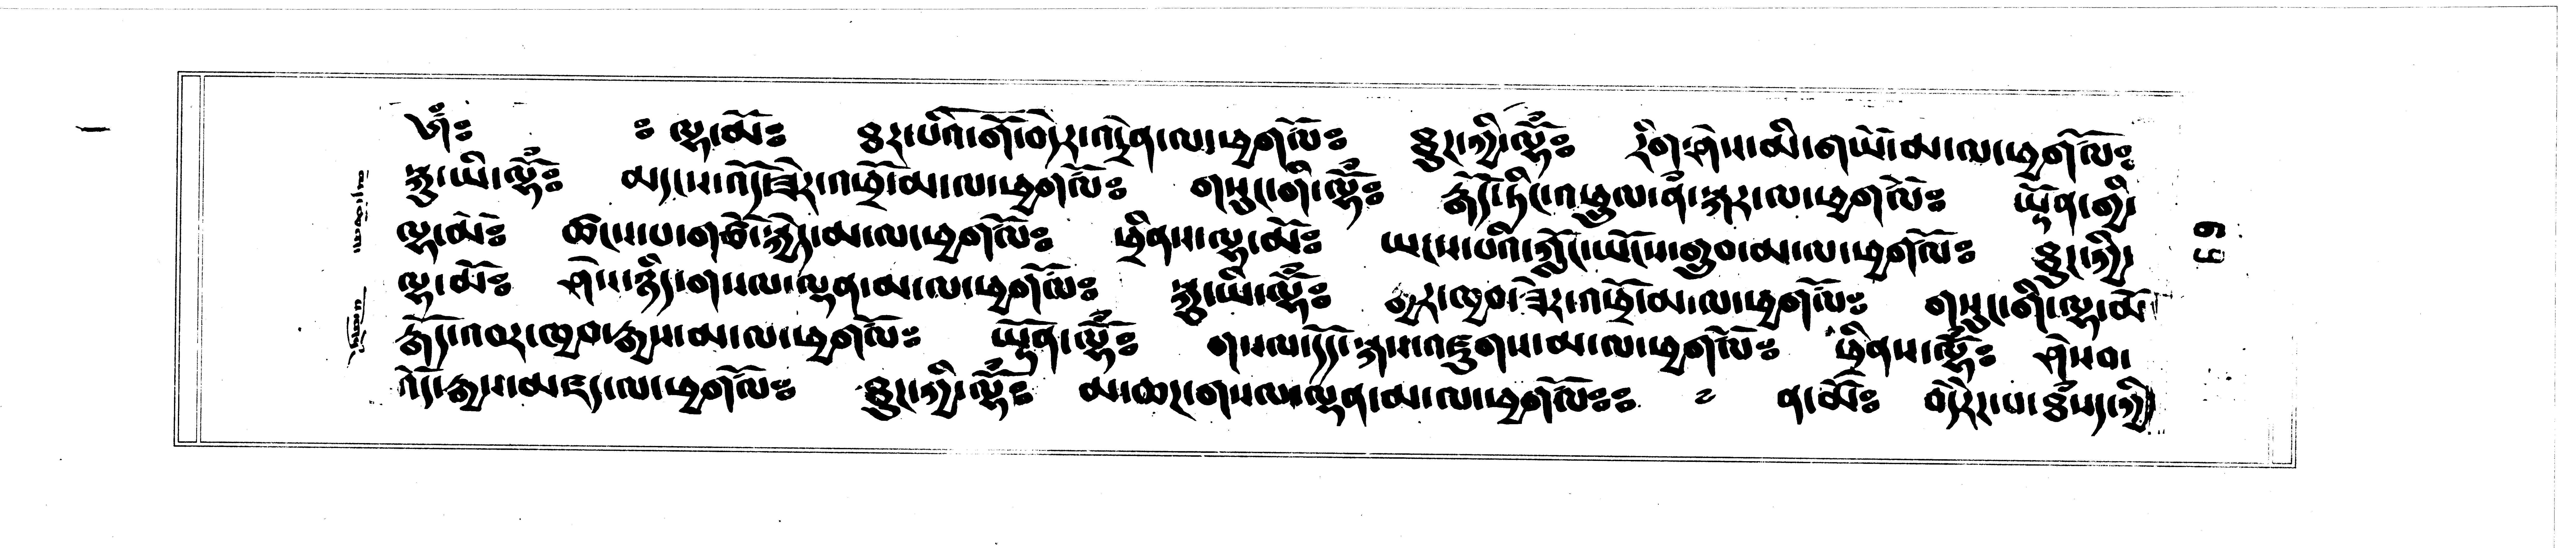ལྷ་མོཿ ཐར་པའི་གོ་བདེར་འདྲེན་ལ་ཕྱག་འཚལ་ལོཿ ཐུགས་ཀྱི་ལྷ་མོཿ རིག་ཤེས་མི་གཡོ་མ་ལ་ཕྱག་འཚལ་ལོཿ 
སྐུ་ཡི་ལྷ་མོཿ མདངས་འོད་ཟེར་འཕྲོ་མ་ལ་ཕྱག་འཚལ་ལོཿ གསུང་གི་ལྷ་མོཿ རྒོད་ཏིང་འཕྲུལ་ནམ་སྐར་ལ་ཕྱག་འཚལ་ལོཿ ཡོན་ཏན་གྱི་
ལྷ་མོཿ ཚངས་པ་གཙོ་སྐྱེད་མ་ལ་ཕྱག་འཚལ་ལོཿ ཕྲིན་ལས་ཀྱི་ལྷ་མོཿ ཡངས་པའི་ཀློང་ཡོངས་གྲུབ་མ་ལ་ཕྱག་འཚལ་ལོཿ ཐུགས་ཀྱི་
ལྷ་མོཿ ཤེས་ཉིད་གསལ་ལྡན་མ་ལ་ཕྱག་འཚལ་ལོཿ སྐུ་ཡི་ལྷ་མོཿ རྒྱར་ཁྱབ་ཟེར་འཕྲོ་མ་ལ་ཕྱག་འཚལ་ལོཿ གསུང་གི་ལྷ་མོཿ
 རྒོད་འབར་ཁྱབ་རྒྱས་མ་ལ་ཕྱག་འཚལ་ལོཿ ཡོན་ཏན་གྱི་ལྷ་མོཿ གསལ་དོད་སྐས་འཛུགས་མ་ལ་ཕྱག་འཚལ་ལོཿ ཕྲིན་ལས་ཀྱི་ལྷ་མོཿ ཤེས་རབ་ཀྱི་
འོད་རྒྱས་མཛད་མ་ལ་ཕྱག་འཚལ་ལོཿ ཐུགས་ཀྱི་ལྷ་མོཿ མ་ཆགས་གསལ་ལྡན་མ་ལ་ཕྱག་འཚལ་ལོཿ ན་མོ་བདེ་བར་གཤེགས་པ་ཐམས་ཅད་ཀྱི་